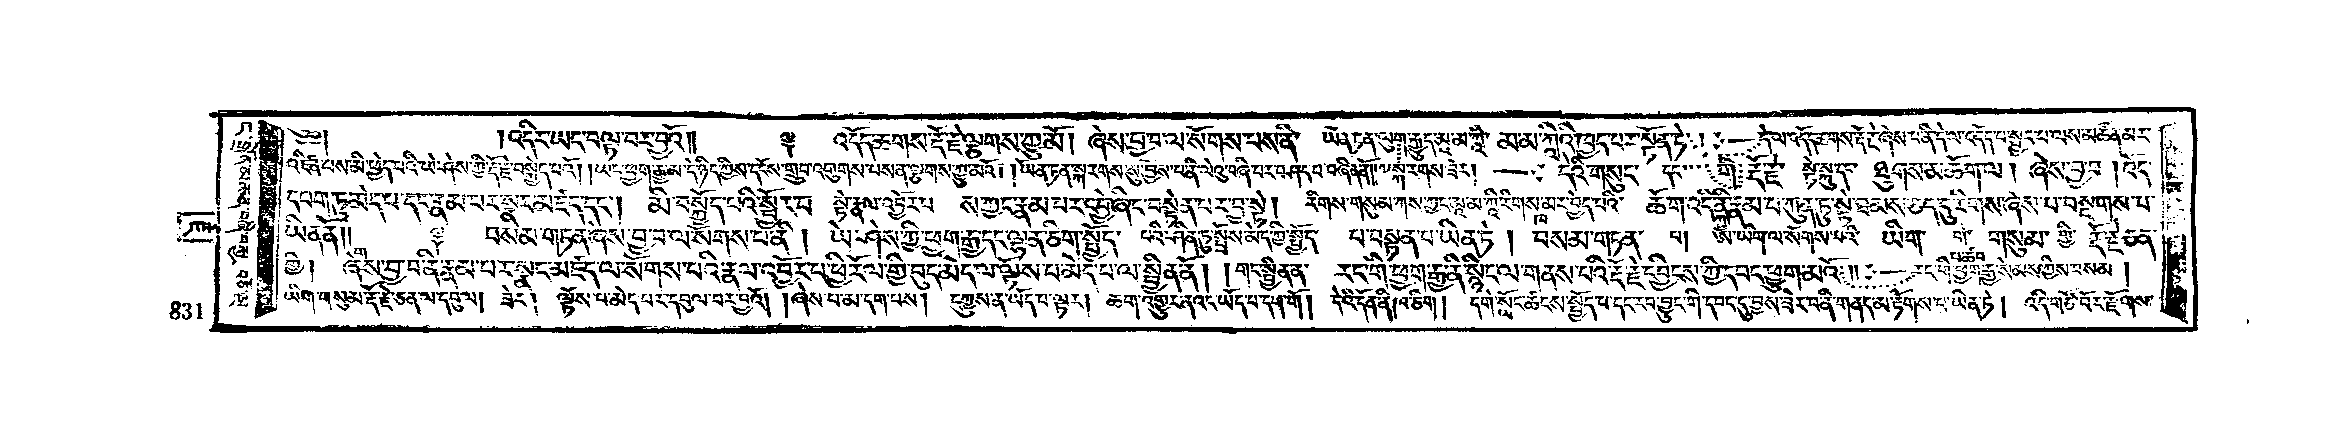༄༅། །འདིར་ཡང་བལྟ་བར་བྱའོ།། ༈ འདོད་ཆགས་རྡོ་རྗེ་ལྕགས་ཀྱུ་མོ། ཞེས་བྱ་བ་ལ་སོགས་པས་ནི་ཡོན་ཏན་ལུག་རྒྱུད་མཱ་མ་ཀཱི་མ་མ་ཀཱིའི་ཁྱད་པར་སྟོན་ཏེ། H.་དེ་ལ་འདོད་ཆགས་རྡོ་རྗེ་ཞེས་པ་ནི་དེ་ལ་འདོད་པ་སྤྱད་པ་ལས་མཚན་མར་
འཛིན་པས་མི་ཕྱེད་པའི་ཡེ་ཤེས་ཀྱི་རྡོ་རྗེ་བསྐྱེད་པའོ། །ཡང་ཕྱག་རྒྱ་མ་དེ་ཉིད་ཀྱིས་དངོས་གྲུབ་འགུགས་པས་ན་ལྕགས་ཀྱུ་མའོ། །ཡོན་ཏན་སྐ་རགས་སུ་བྱས་པ་ནི་ལེའུ་བཞི་པར་བཤད་པ་བཞིན་ནོ།། ༧་སྐ་རགས་ཟེར། .H དེའི་གསུང་དང་གི་རྡོ་རྗེ་སྟེ་སྐུ་དང་ཐུགས་མཆོག་ལ། ཞེས་བྱ་བ། འོད་
དཔག་ཏུ་མེད་པ་དང་རྣམ་པར་སྣང་མཛད་དང་། མི་བསྐྱོད་པའི་སྦྱོར་བ་སྟེ་རྣལ་འབྱོར་པས་ཀྱང་རྣམ་པར་དབྱེ་ཞིང་བསྟེན་པར་བྱ་སྟེ། རིགས་གསུམ་ཀས་ཀྱང་མཱ་མ་ཀཱི་རིགས་མར་བྱེད་པའི་ཆོ་ག་འདི་ནི་རྣམ་པ་ཀུན་ཏུ་སྟེ་ཐམས་ཅད་དུ་རིགས་ཞེས་པ་བསྔགས་པ་
ཡིན་ནོ།། ༈ བསམ་གཏན་ཞེས་བྱ་བ་ལ་སོགས་པ་ནི། ཡེ་ཤེས་ཀྱི་ཕྱག་རྒྱ་དང་ལྷན་ཅིག་སྤྱོད་པའི་ཤིན་ཏུ་སྤྲོས་མེད་ཀྱི་སྤྱོད་པ་བསྟན་པ་ཡིན་ཏེ། ཁ྄་བསམ་གཏན་པ། ཨོཾ་ཡིག་ལ་སོགས་པའི་ཡིག་གེ་གསུམ་གྱི་རྡོ་རྗེ་ཅན་
གྱི། ག྄་ཞེས་བྱ་བ་ནི་རྣམ་པར་སྣང་མཛད་ལ་སོགས་པའི་རྣལ་འབྱོར་པ་ཕྱི་རོལ་གྱི་བུད་མེད་ལ་ལྟོས་པ་མེད་པ་ལ་སྦྱིན་ནོ། །གང་སྦྱིན་ན་རང་གི་ཕྱག་རྒྱ་ནི་སྙིང་ལ་གནས་པའི་རྡོ་རྗེ་དབྱིངས་ཀྱི་དབང་ཕྱུག་མའོ།། H.་རང་གི་པ་ཚབ་ཕྱག་རྒྱ་སེམས་ཀྱིས་བསམ།
ཡིག་གསུམ་རྡོ་རྗེ་ཅན་ལ་དབུལ། ཟེར། ལྟོས་པ་མེད་པར་དབུལ་བར་བྱའོ། །ཞེས་པ་མ་དག་པས། དཀྱུས་ན་ཡོད་པ་ལྟར། ཆག་འགྱུར་ནའང་ཡོད་པ་དག་གོ །དེའི་དོན་ནི་ཁ་ཅིག །དགེ་སློང་ཚངས་སྤྱོད་པ་དང་རབ་བྱུང་གི་དབང་དུ་བྱས་ཟེར་བ་ནི་གནད་མ་རྟོགས་པ་ཡིན་ཏེ། འདི་གཙོ་བོར་རྫོགས་